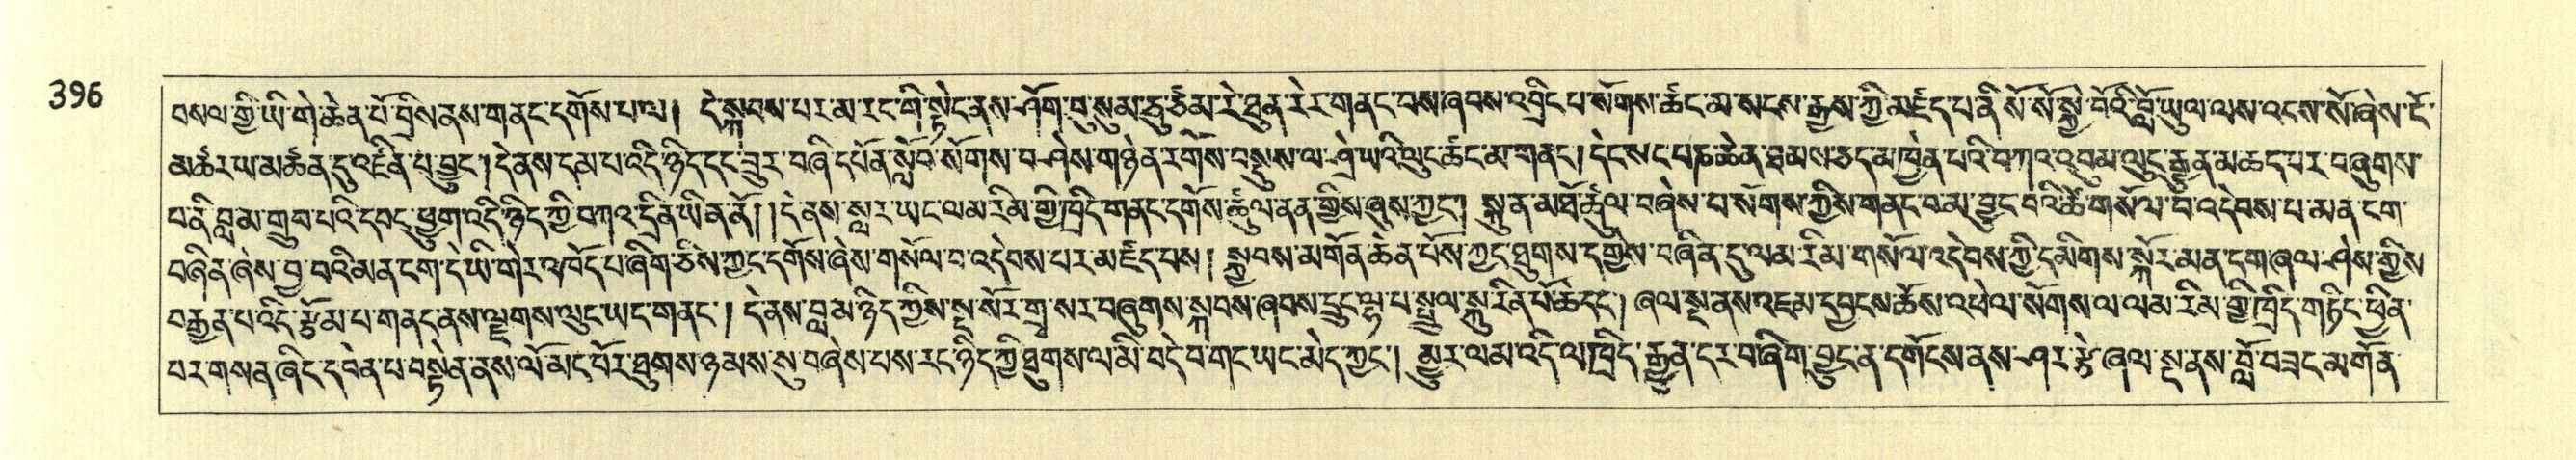བསལ་གྱི་ཡི་གེ་ཆེན་པོ་བྲིས་ནས་གནང་དགོས་པ་ལ། དེ་སྐབས་པར་མ་རང་གི་སྟེང་ནས་ཤོག་བུ་སུམ་ཅུ་ཙམ་རེ་ཐུན་རེར་གནང་བས་ཞབས་འབྲིང་པ་སོགས་ཚང་མ་སངས་རྒྱས་ཀྱི་མཛད་པ་ནི་སོ་སོ་སྐྱེ་བོའི་བློ་ཡུལ་ལས་འདས་སོ་ཞེས་ངོ་
མཚར་ཡ་མཚན་དུ་འཛིན་པ་བྱུང་། དེ་ནས་དམ་པ་འདི་ཉིད་དང་ཟུར་བཞི་དཔོན་སློབ་སོགས་བཤེས་གཉེན་རྒོས་བསྡུས་ལ་ཤྲེ་ཡའི་ལུང་ཚང་མ་གནང་། དེང་སང་པཎ་ཆེན་ཐམས་ཅད་མཁྱེན་པའི་བཀའ་འབུམ་ལུང་རྒྱུན་མ་ཆད་པར་བཞུགས་
པ་ནི་བླ་མ་གྲུབ་པའི་དབང་ཕྱུག་འདི་ཉིད་ཀྱི་བཀའ་དྲིན་ཡིན་ནོ། །དེ་ནས་སླར་ཡང་ལམ་རིམ་གྱི་ཁྲིད་གནང་དགོས་ཚུལ་ནན་གྱིས་ཞུས་ཀྱང་། སྐུ་ན་མཐོ་ཚུལ་བཞེས་པ་སོགས་ཀྱིས་གནང་བ་མ་བྱུང་བའི་ཚེ་གསོལ་བ་འདེབས་པ་མན་ངག་
བཞིན་ཞེས་བྱ་བའི་མན་ངག་དེ་ཡི་གེར་འཁོད་པ་ཞིག་ཅིས་ཀྱང་དགོས་ཞེས་གསོལ་བ་འདེབས་པར་མཛད་པས། སྐྱབས་མགོན་ཆེན་པོས་ཀྱང་ཐུགས་དགྱེས་བཞིན་དུ་ལམ་རིམ་གསོལ་འདེབས་ཀྱི་དམིགས་སྐོར་མན་ངག་ཞལ་ཤེས་གྱིས་
བརྒྱན་པ་འདི་རྩོམ་པ་གནང་ནས་ལྗགས་ལུང་ཡང་གནང་། དེ་ནས་བླ་མ་ཉིད་ཀྱིས་སྔ་སོར་གྲྭ་སར་བཞུགས་སྐབས་ཞབས་དྲུང་ལྷ་པ་སྤྲུལ་སྐུ་རིན་པོ་ཆེ་དང་། ཞལ་སྔ་ནས་འཇམ་དབྱངས་ཆོས་འཕེལ་སོགས་ལ་ལམ་རིམ་གྱི་ཁྲིད་གཏིང་ཕྱིན་
པར་གསན་ཞིང་དབེན་པ་བསྟེན་ནས་ལོ་མང་པོར་ཐུགས་ཉམས་སུ་བཞེས་པས་རང་ཉིད་ཀྱི་ཐུགས་ལ་མི་བདེ་བ་གང་ཡང་མེད་ཀྱང་། མྱུར་ལམ་འདི་ལ་ཁྲིད་རྒྱུན་དར་བ་ཞིག་བྱུང་ན་དགོངས་ནས་ཤར་རྩེ་ཞལ་སྔ་ནས་བློ་བཟང་མགོན་